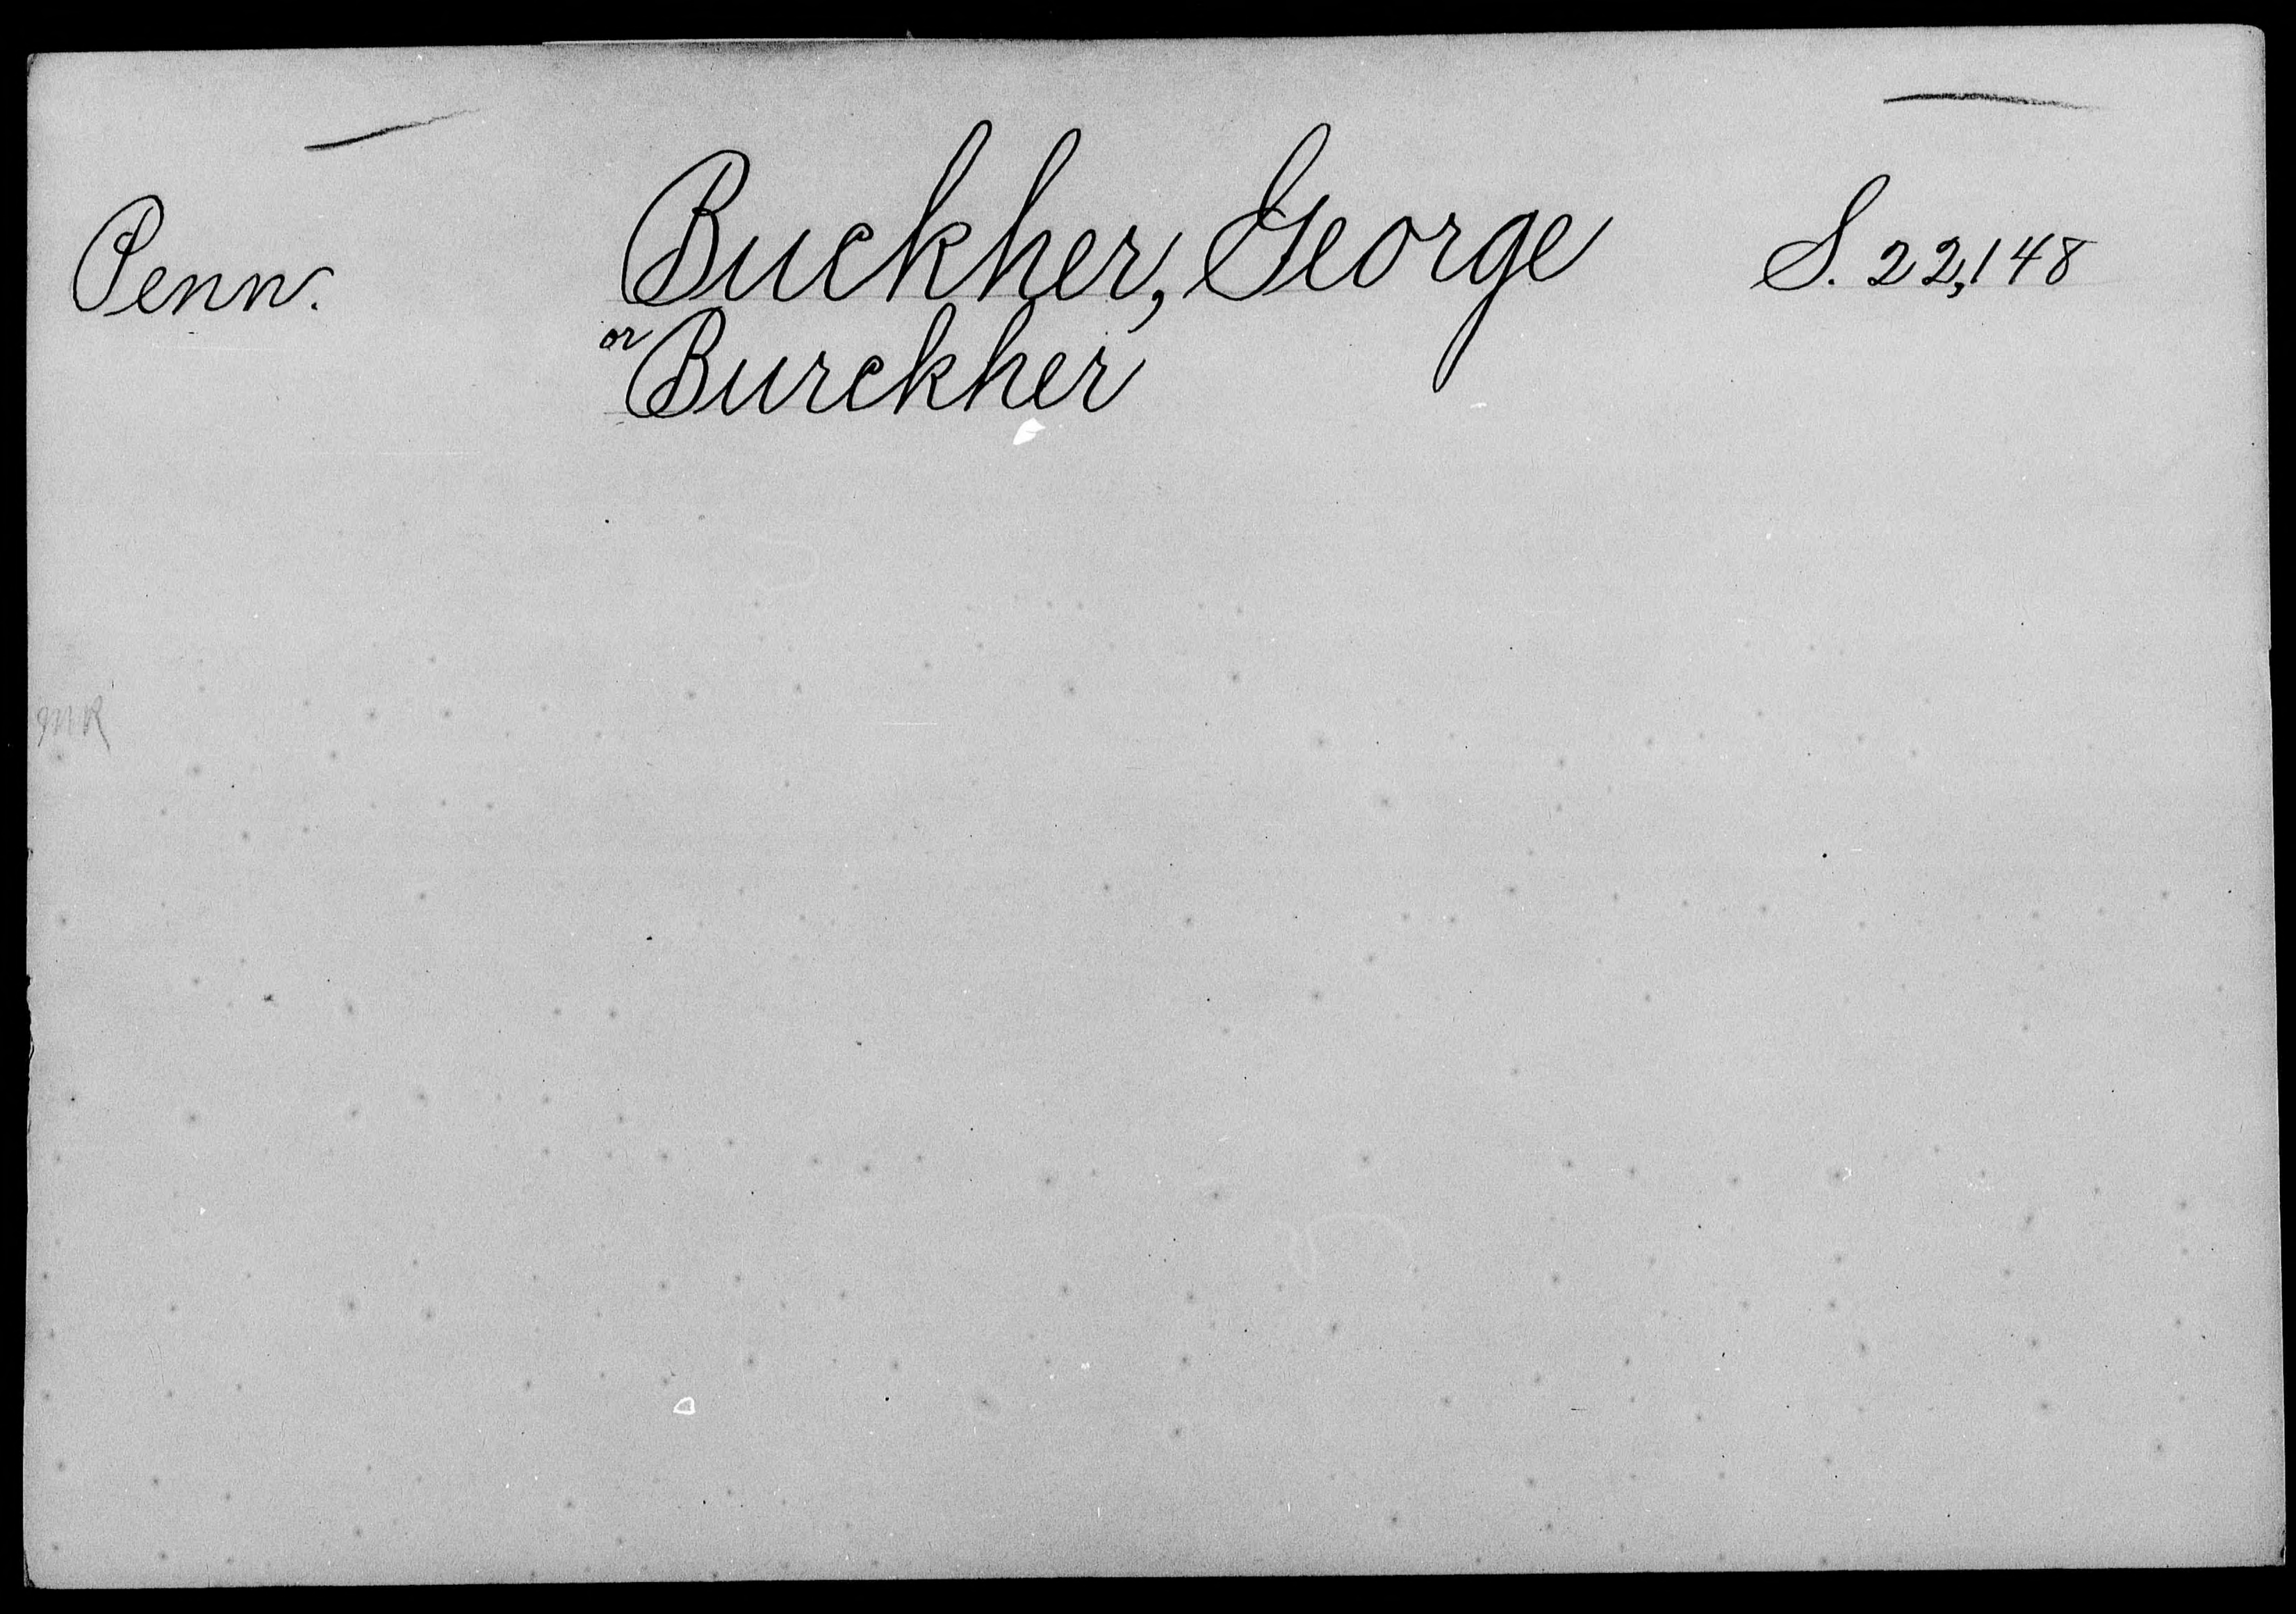Penn.    Buckher, George   S.22,148
             or Burckher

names: George Burckher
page: 1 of 1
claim: survivor's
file: S. 22,148, George Buckher, Penn.